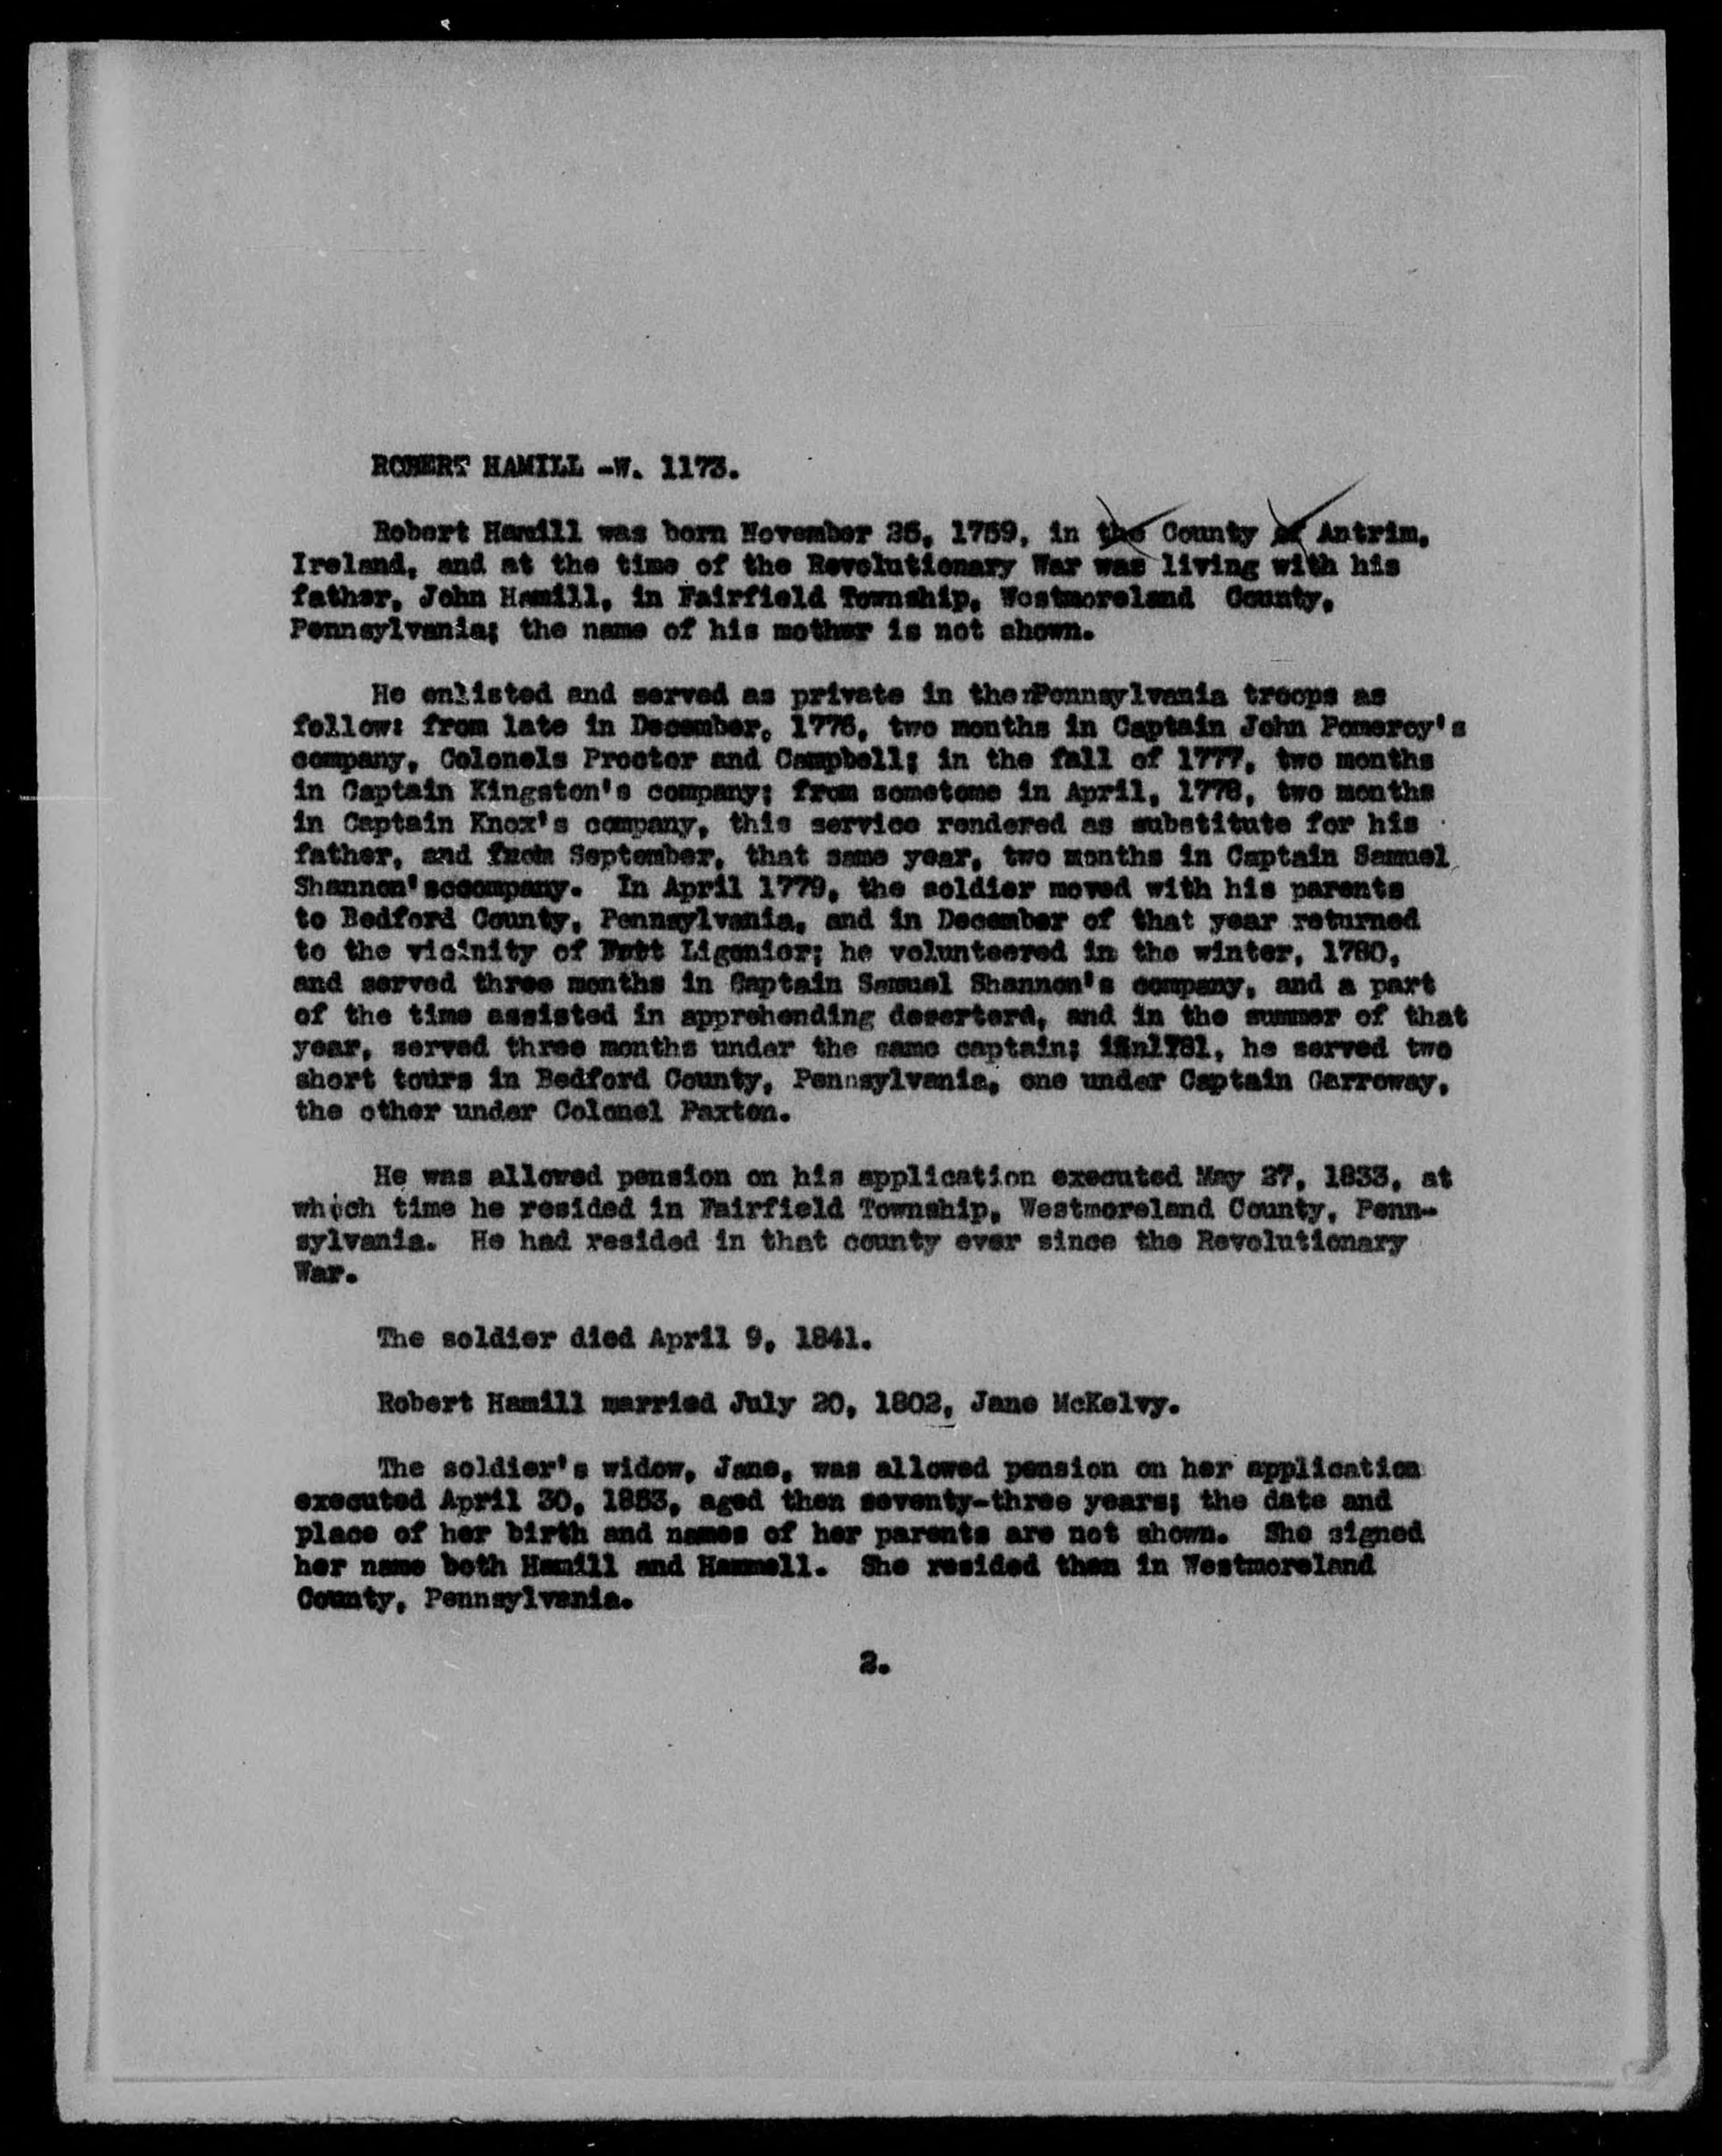Robert Hamill - W. 1173.

Robert Hamill was born November 25, 1759 in the ["the" is crossed out] County of ["of" is crossed out] Antrim, Ireland, and at the time of the Revolutionary War was living with his father, John Hamill, in Fairfield Township, Westmoreland County, Pennsylvania; the name of his mother is not shown.

He enlisted and served as private in the Pennsylvania troops as follow:  from late in December, 1776, two months in Captain John Pomeroy's company, Colonels Procter and Campbell:  in the fall of 1777, two months in Captain Kingston's company:  from sometime in April, 1776, two months in Captain Knox's company, this service rendered as substitute for his father, and from September, that same year, two months in Captain Samuel Shannon's company.  In April 1779, the soldier moved with his parents to Bedford County, Pennsylvania, and in December of that year returned to the vicinity of Fort Ligonier;  he volunteered in the winter, 1780, and served three months in Captain Samuel Shannon's company, and a part of the time assisted in apprehending deserters, and in the summer of that year, served three months under the name captain; in 1781, he served two short tours in Bedford County, Pennsylvania, one under Captain Garroway, the other under Colonel Paxten.

He was allowed pension on his application executed May 27, 1833, at which time he resided in Fairfield Township, Westmoreland County, Pennsylvania.  He had resided in that county ever since the Revolutionary War.

The soldier died April 9, 1841.

Robert Hamill married July 20, 1802, Jane McKelvy.

The soldier's widow, Jane, was allowed pension on her application executed April 30, 1853, aged then seventy-three years; the date and place of her birth and names of her parents are not shown.  She signed her name both Hamill and Hammell.  She resided then in Westmoreland County, Pennsylvania.

2.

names: Paxton, Hamill, Jane Mc Kelvy, John Hamill, Garroway, Robert Hamill, Robert Hamill, Hammell, Robert Hamill, Jane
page: 34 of 92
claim: widow's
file: W 1173, Robert Hamill, Penn.